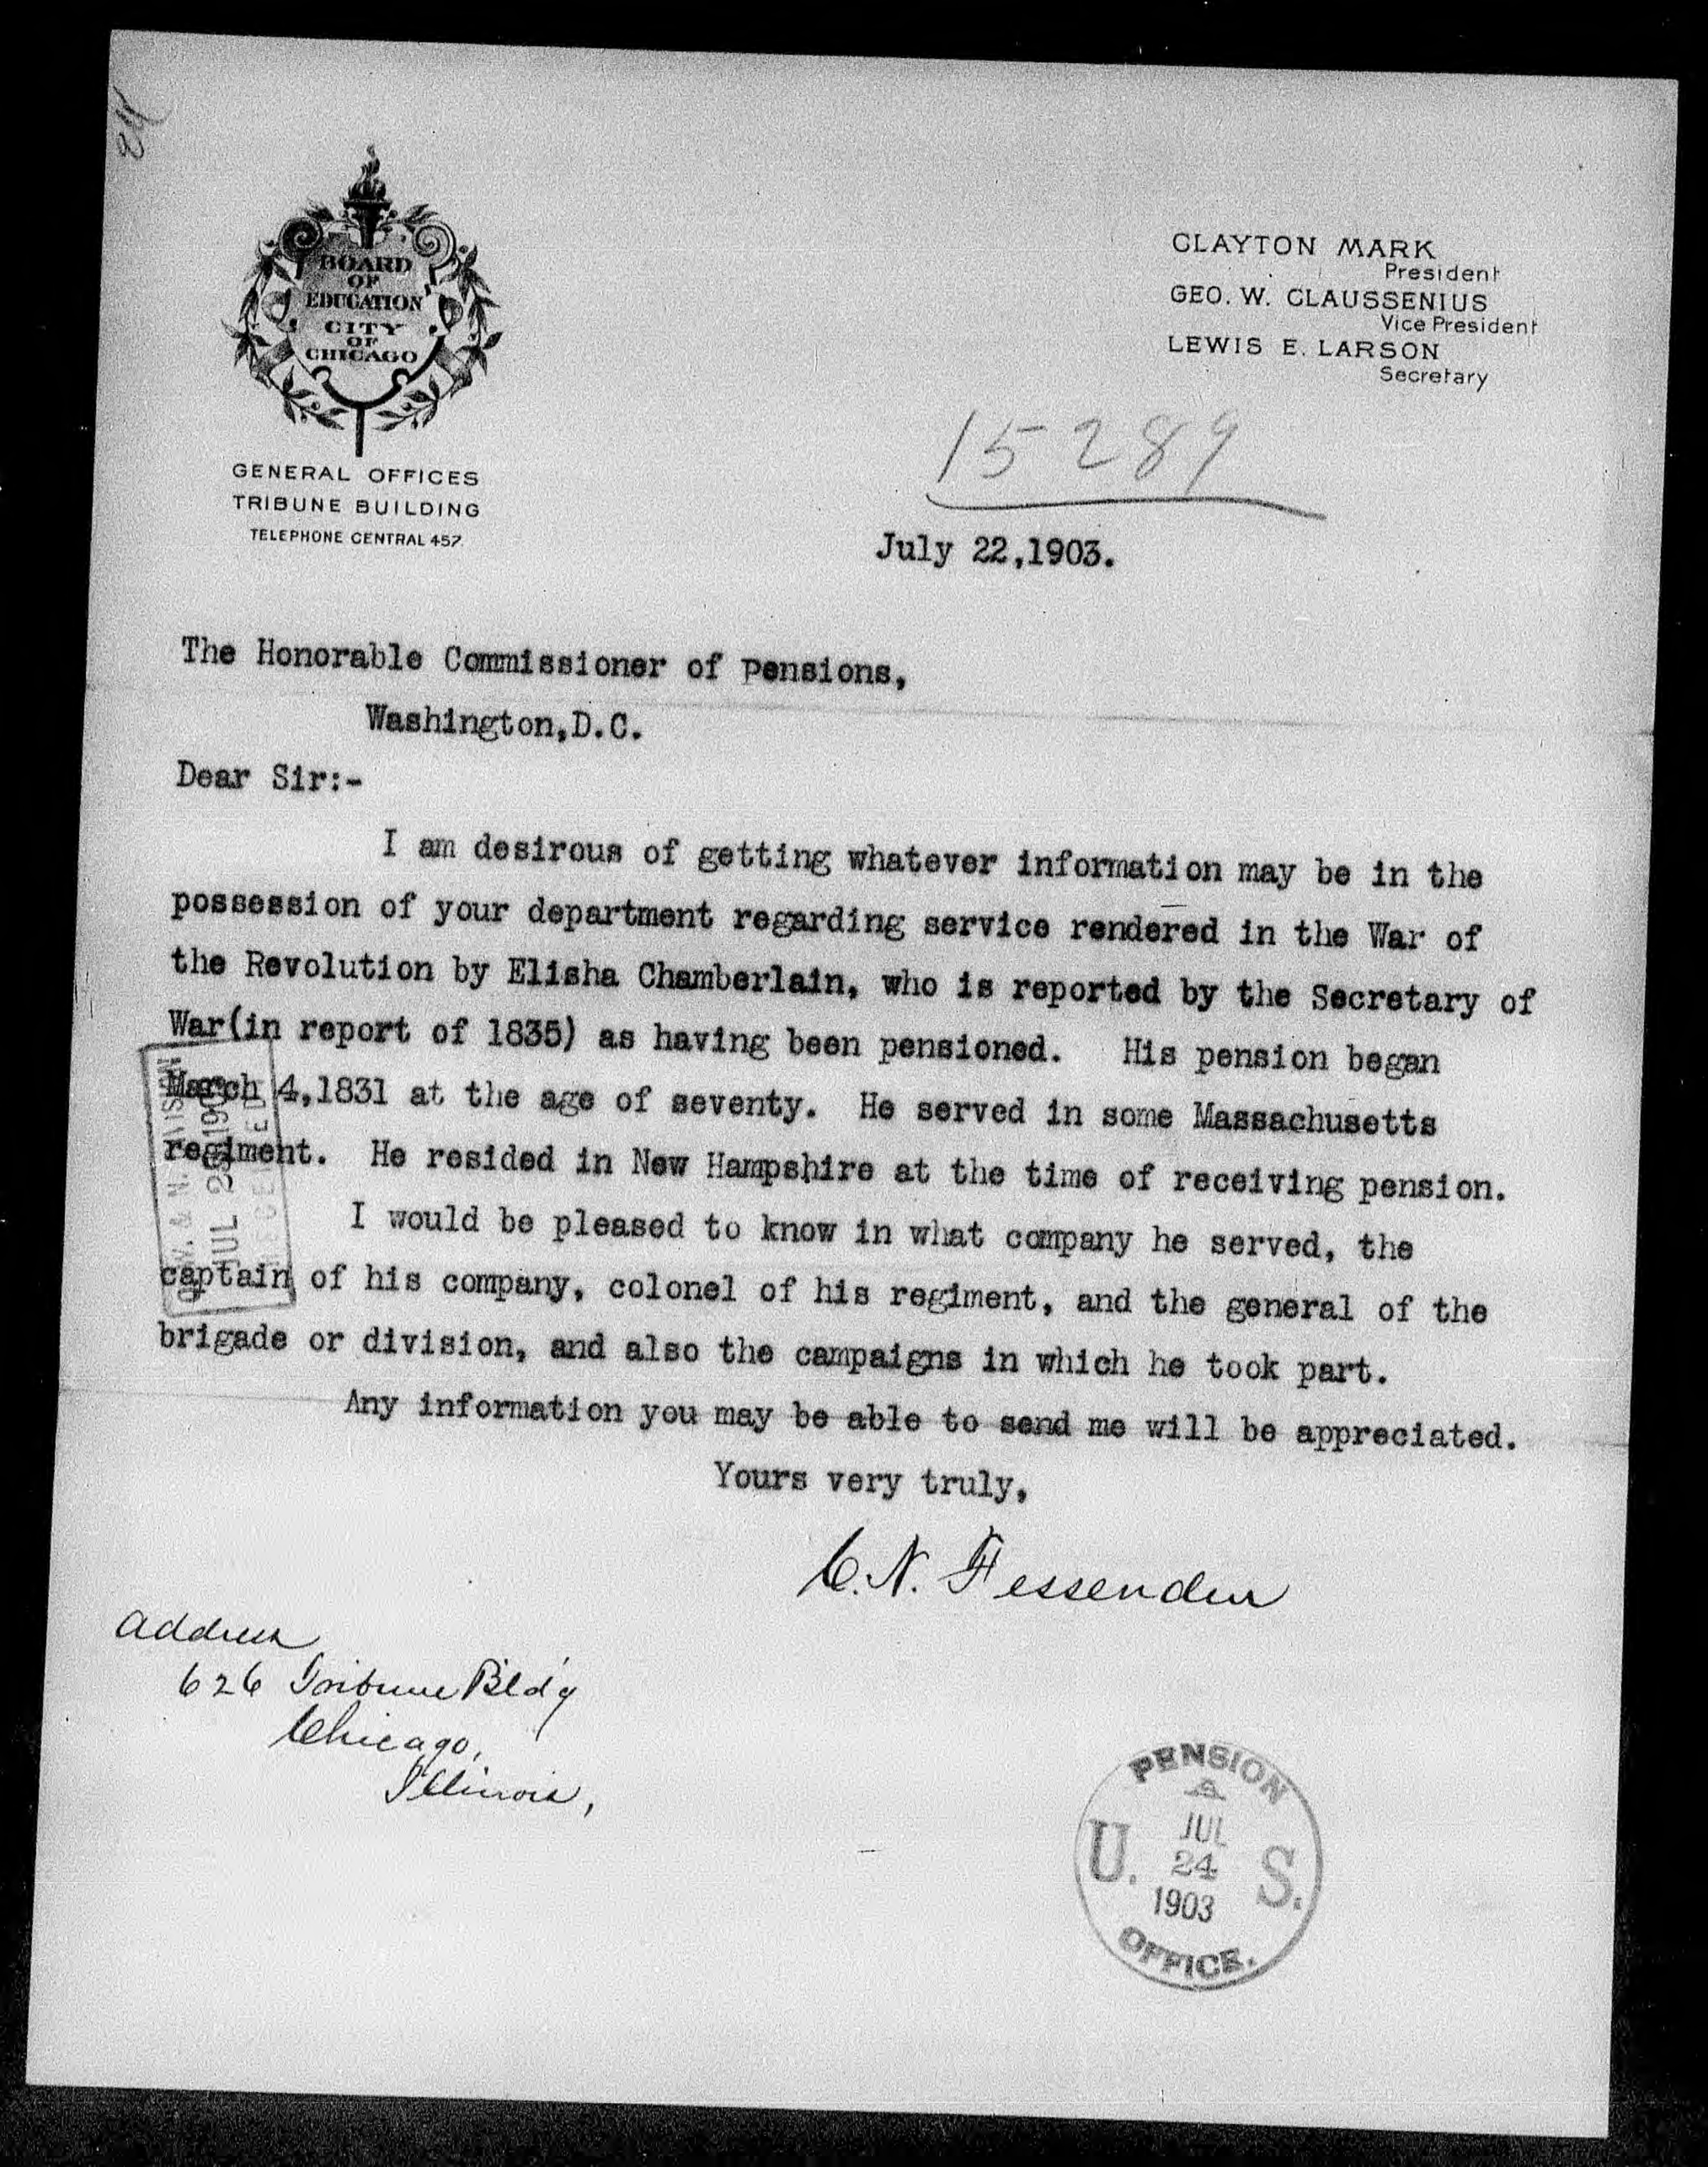[upper left corner of page]
84
[printed emblem on letterhead]
BOARD OF EDUCATION
CITY OF CHICAGO

GENERAL OFFICES
TRIBUNE BUILDING
TELEPHONE CENTRAL 457

[upper right corner of page]
CLAYTON MARK
President
GEO. W. CLAUSSENIUS
Vice President
LEWIS E. LARSON
Secretary

15289 [underlined]

July 22, 1903.

The Honorable Commissioner of Pensions,
Washington, D.C.

Dear Sir:-

I am desirous of getting whatever information may be in the possession of your department regarding service rendered in the War of the Revolution by Elisha Chamberlain, who is reported by the Secretary of War(in report of 1835) as having been pensioner.  His pension began March 4, 1831 at the age of seventy.  He served in some Massachusetts regiment.  He resided in New Hampshire at the time of receiving pension.

I would be pleased to know in what company he served, the captain of his company, colonel of his regiment, and the general of the brigade or division, and also the campaigns in which he took part.

Any information you may be able to send me will be appreciated.

Yours very truly,
C.N. Fessenden

address
626 Tribune Bld'g
Chicago, Illinois.

[stamp at bottom of page]
U.S. PENSION OFFICE
JUL
24
1903

[stamp over part of the letter's paragraphs on left side of page]
O.W.& N. DIVISION
JUL 25 1903
RECEIVED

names: Clayton Mark, C N Fessenden, Lewis E Larson, Elisha Chamberlain, Geo W Claussenius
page: 18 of 24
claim: rejected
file: R. 1835, Elisha Chamberlain, Mass.